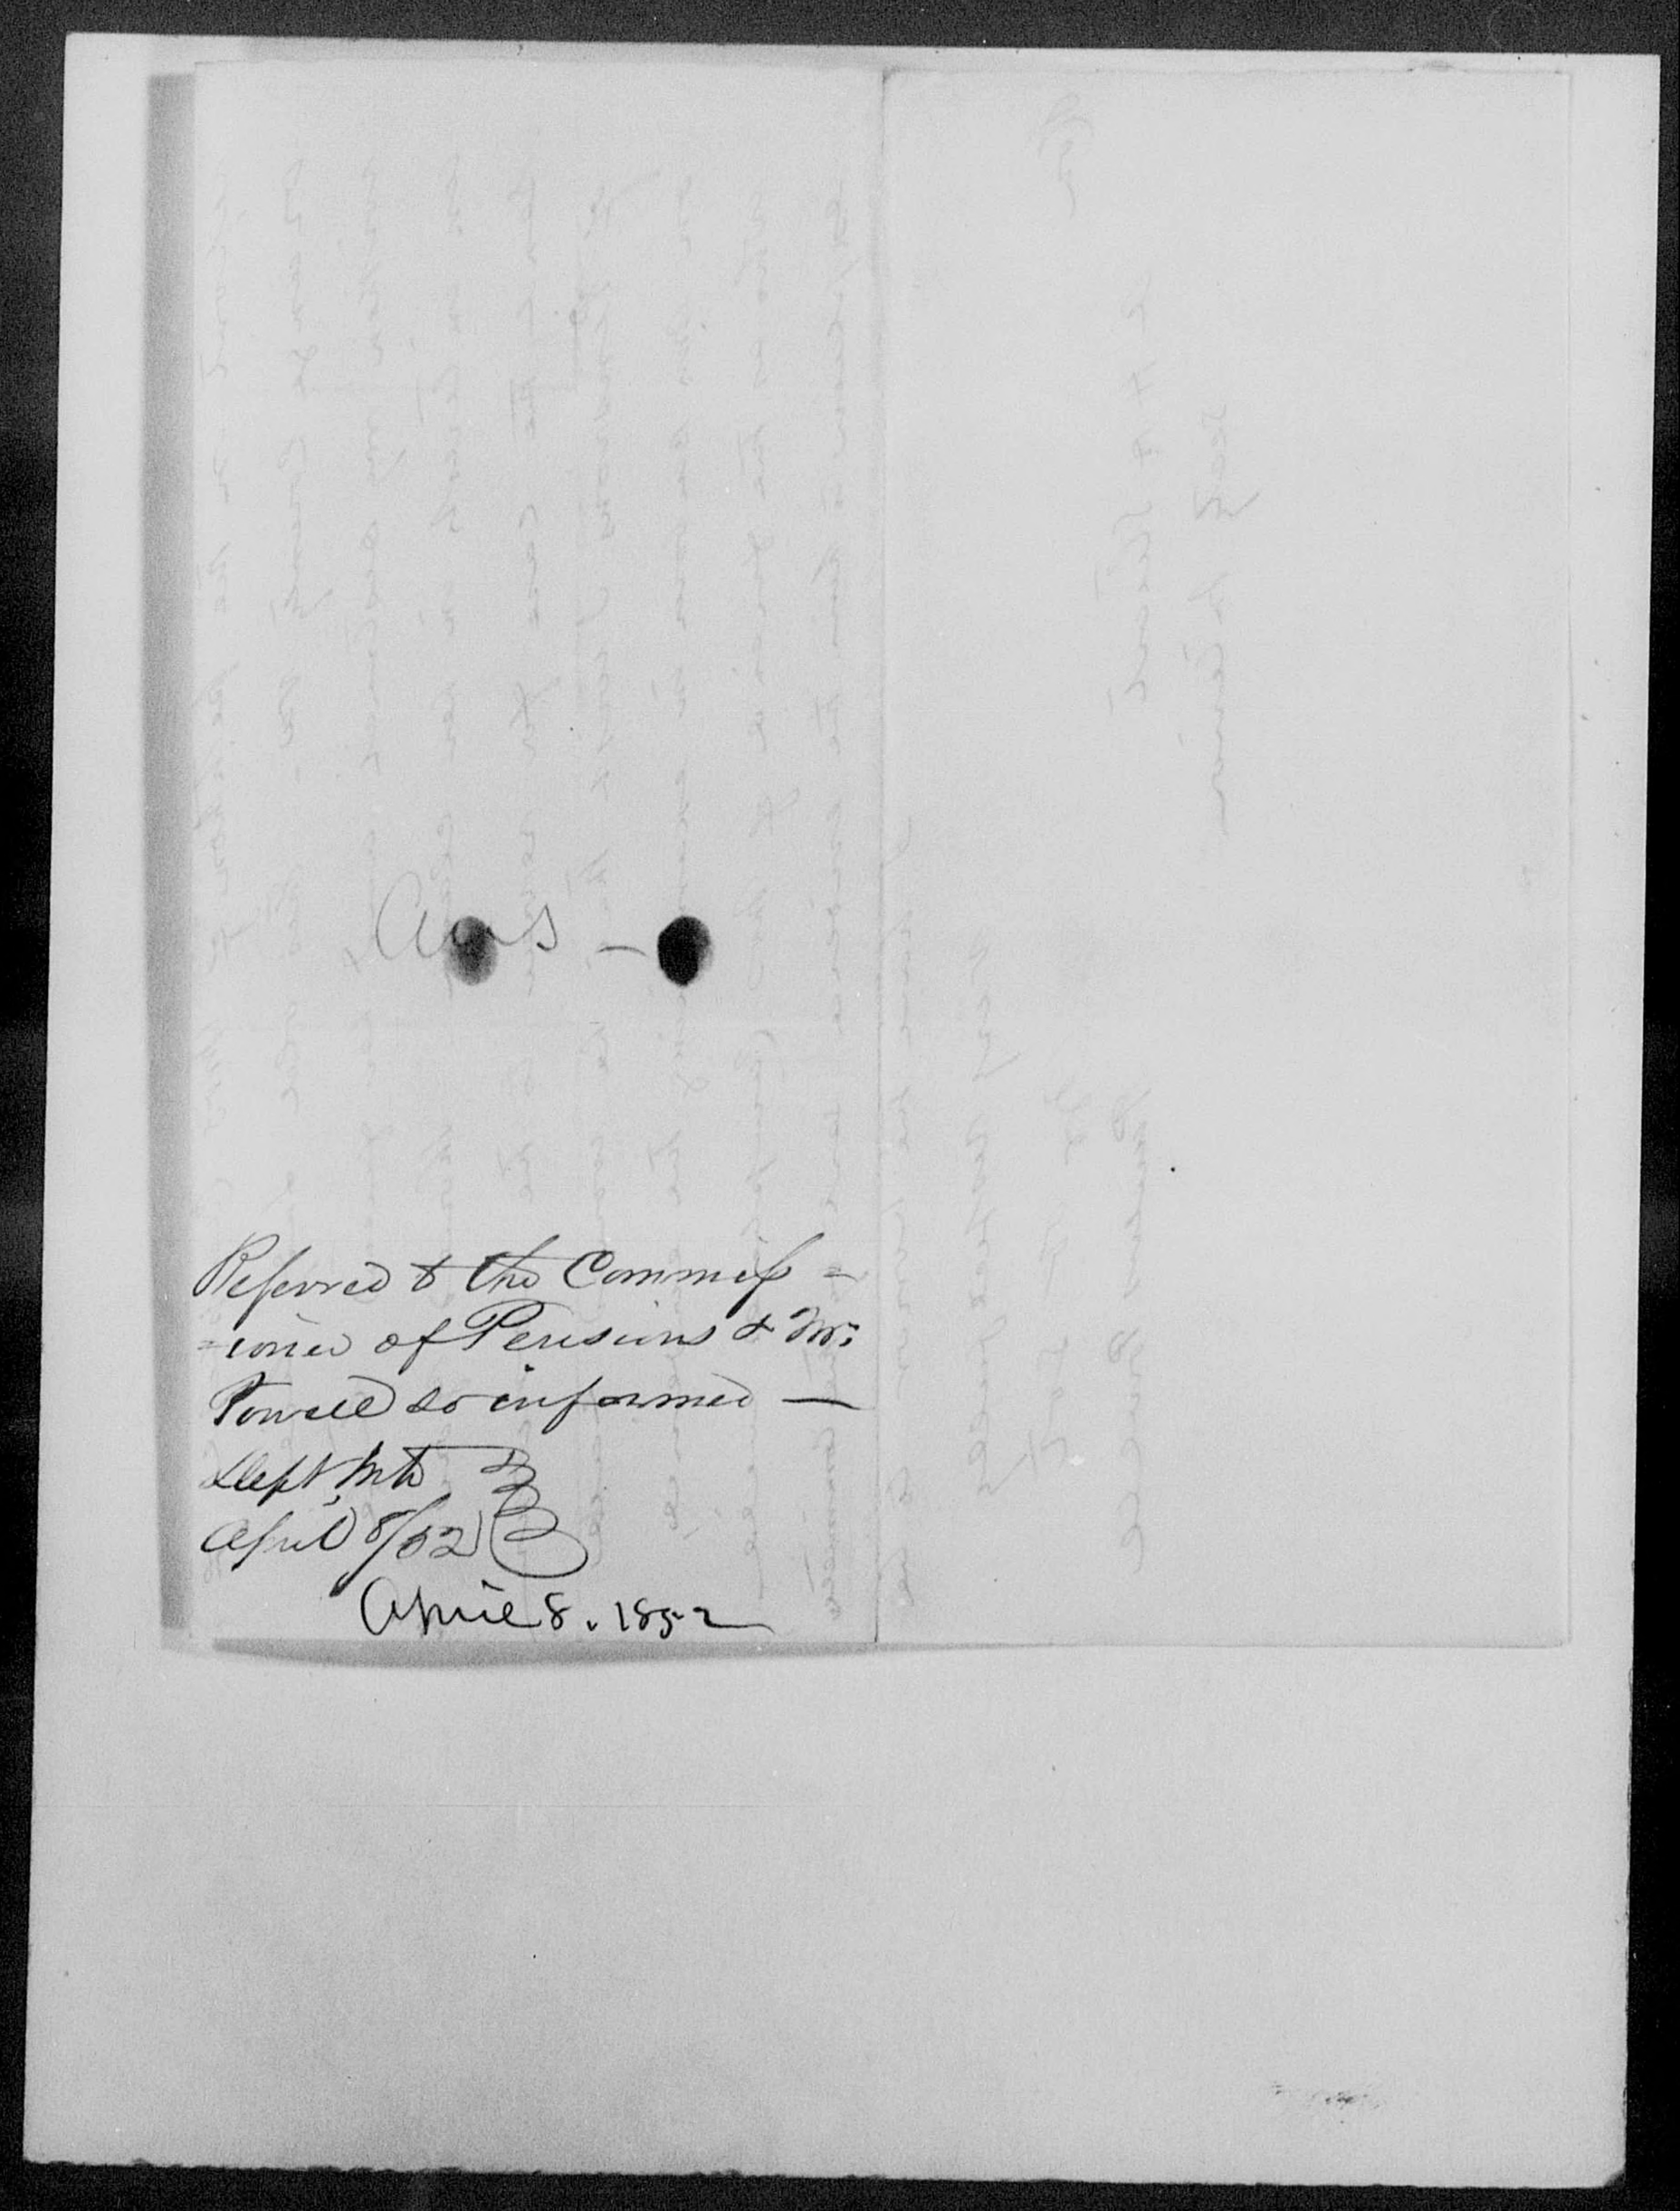Referred to the Commissioner of Pensions & Mr. Powell so informed -
Dept, Int
April 8/52
April 8, 1852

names: Powell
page: 131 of 267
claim: widow's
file: W. 4,149, William Campbell, Va.